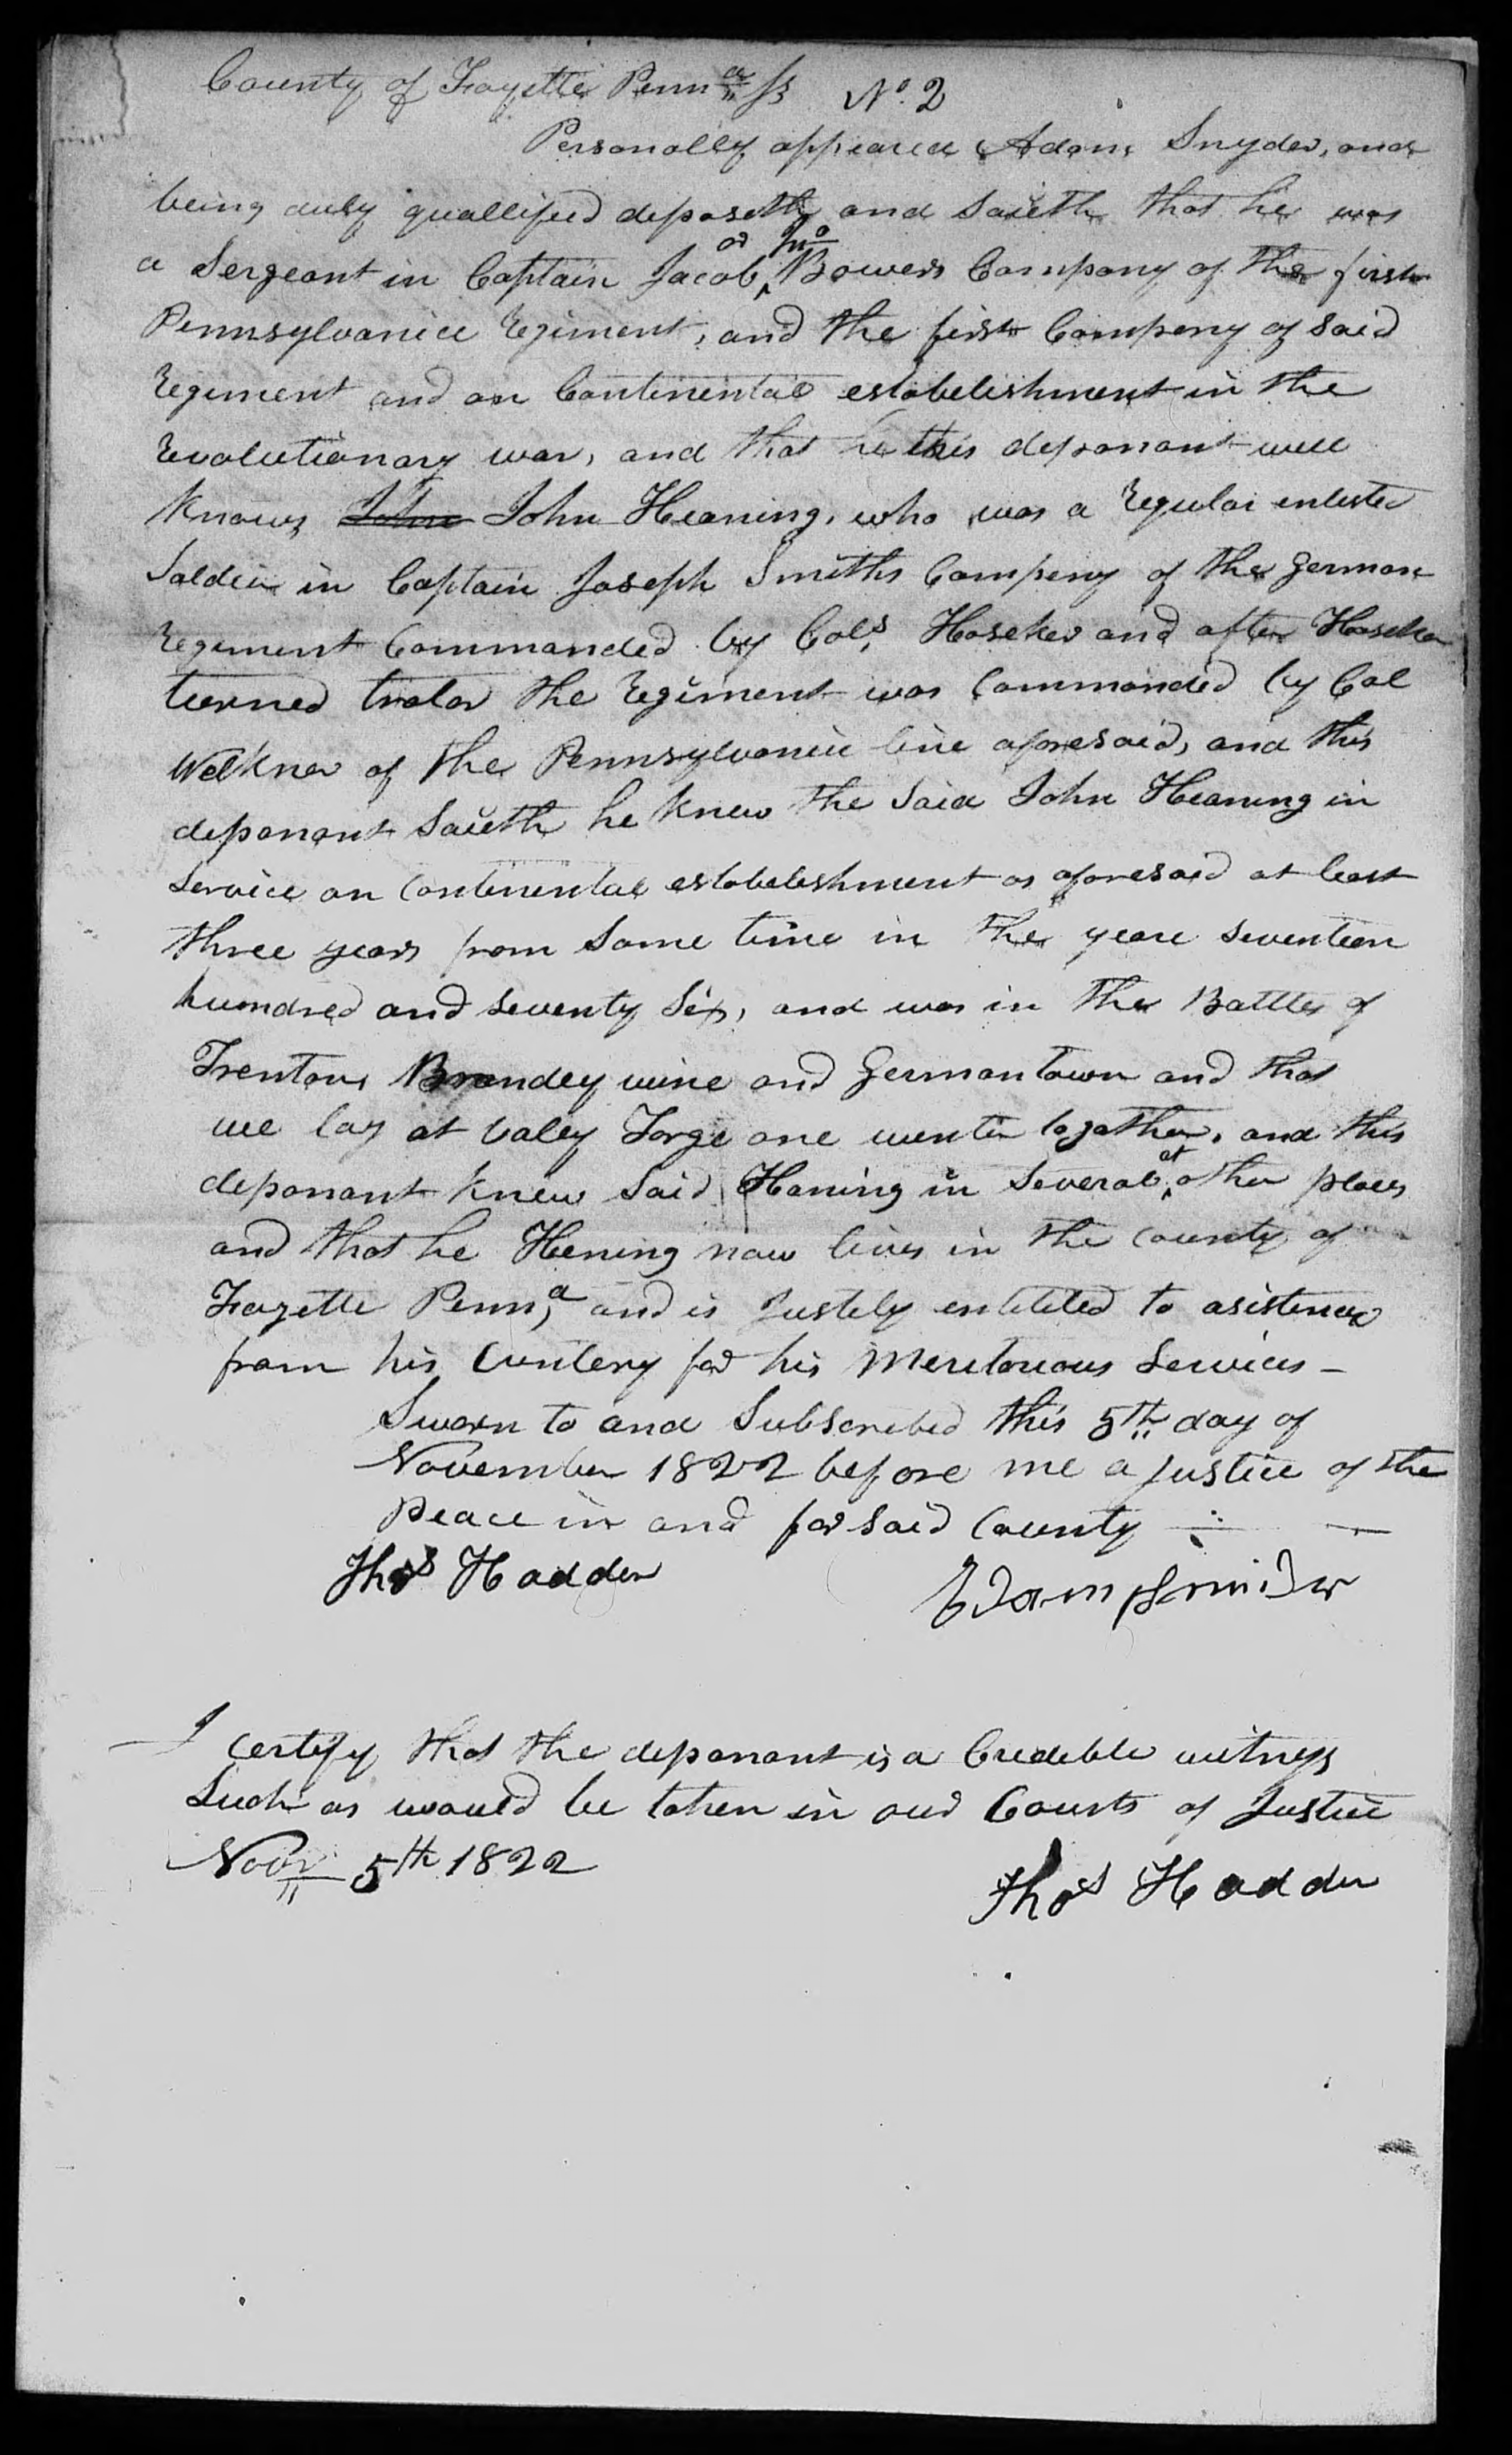County of Fayette Penna No. 2
Personally appeared Adam Snyder and being duly qualified deposed and Saieth that he was a Sergeant in Captain Jacob Bower Company of the first Pennsylvania Regiment, and the first Company of Said regiment and on Continental establishment in the revolutionary war, and that this deponant will know [John, crossed out]  John Hening, who was a regular enlisted Soldier in Captain Joseph Smiths Company of the German regiment commanded by Cols Hoseker and after Hoseker turned traitor the regiment was Commanded by Col Welkner of the Pennsylvania line aforesaid, and this deponant Saieth he knew the said John Heaning in Service on continental establishment as aforesaid at least three year from Some time in the yeare seventeen hundred and Seventy Six, and was in the Battles of Trenton Brandywine and Germantown and that we lay at Valley Forge one winter together, and this deponant knew Said Hening in Several at other places and that he Hening now lives in the county of Fayette Penna, and is justely entitles to asistance from his Cuntry for his Meritorious Services - 
Sworn to and Subscribed this 5th day of November 1822 before me a justice of the peace in and for said County -
Thos Hadden  Adam Snider 
I certify that the deponant is a Credible witness Such as would be taken in our Courts of Justice 
Nov 5th 1822  Thos Hadden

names: Thos Hadder, Thos Hadder, Joseph Smith, John Heaning, Haseker, Adam Snyder, Hening, John Heaning, Adam Snyder, Welkner, Haning, Haseker, Jacob Bower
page: 14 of 15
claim: survivor's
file: S. 39677, John Hening, Continental (Penn.)